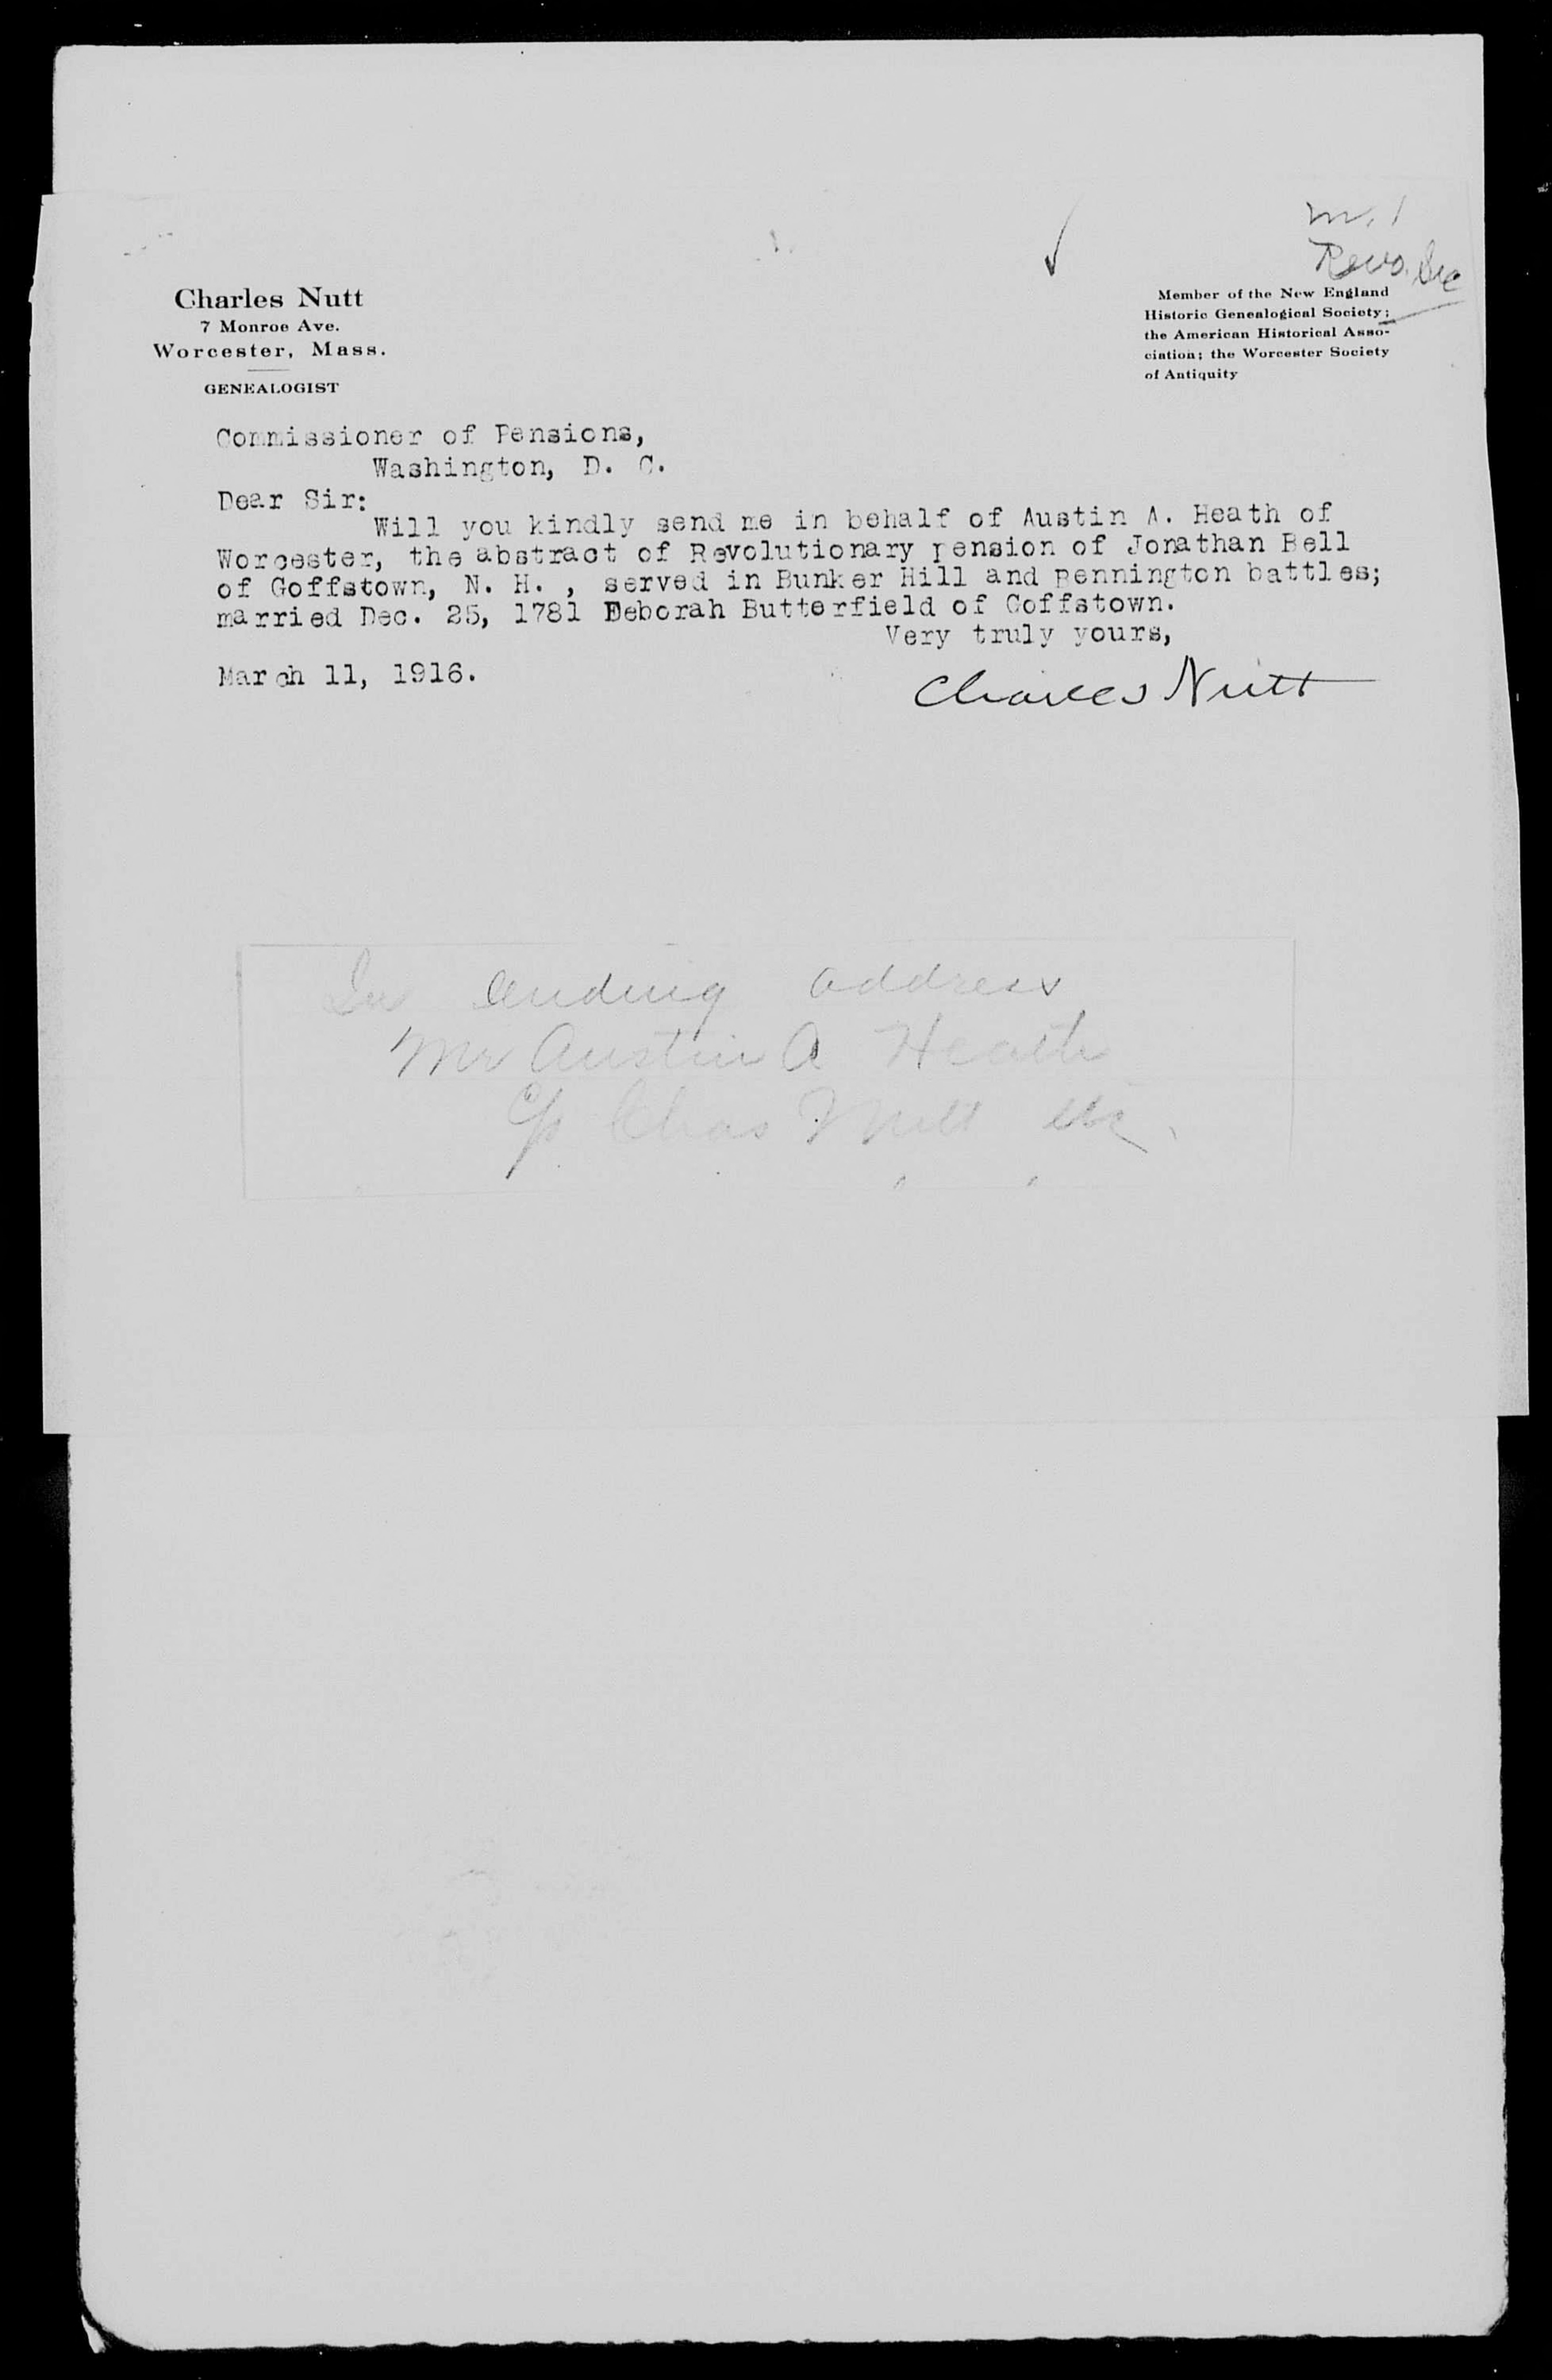[typewritten letter]
Charles Nutt
7 Monroe Ave.
Worcester, Mass.
GENEALOGIST
[margin note: ✓ m.1 Revo. Svc.]
Member of the New England Historic Genealogical Society; the American Historical Association; the Worcester Society of Antiquity

Commissioner of Pensions, 
Washington, D.C. 
Dear Sir: 
Will you kindly send me in behalf of Austin A. Heath of Worcester, the abstract of Revolutionary pension of Jonathan Bell of Goffstown, N.H., served in Bunker Hill and Bennington battles; married Dec. 25, 1781 Deborah Butterfield of Goffstown. 
Very truly yours, 
/s/Charles Nutt
March 11, 1916. 
[margin note: In sending address
Mr. Austin A. Heath
c/o Chas Nutt etc. ]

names: Jonathan Bell, Chas Nutt, Charles Nutt, Charles Nutt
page: 13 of 13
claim: survivor's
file: S. 12172, Jonathan Bell, N.H.